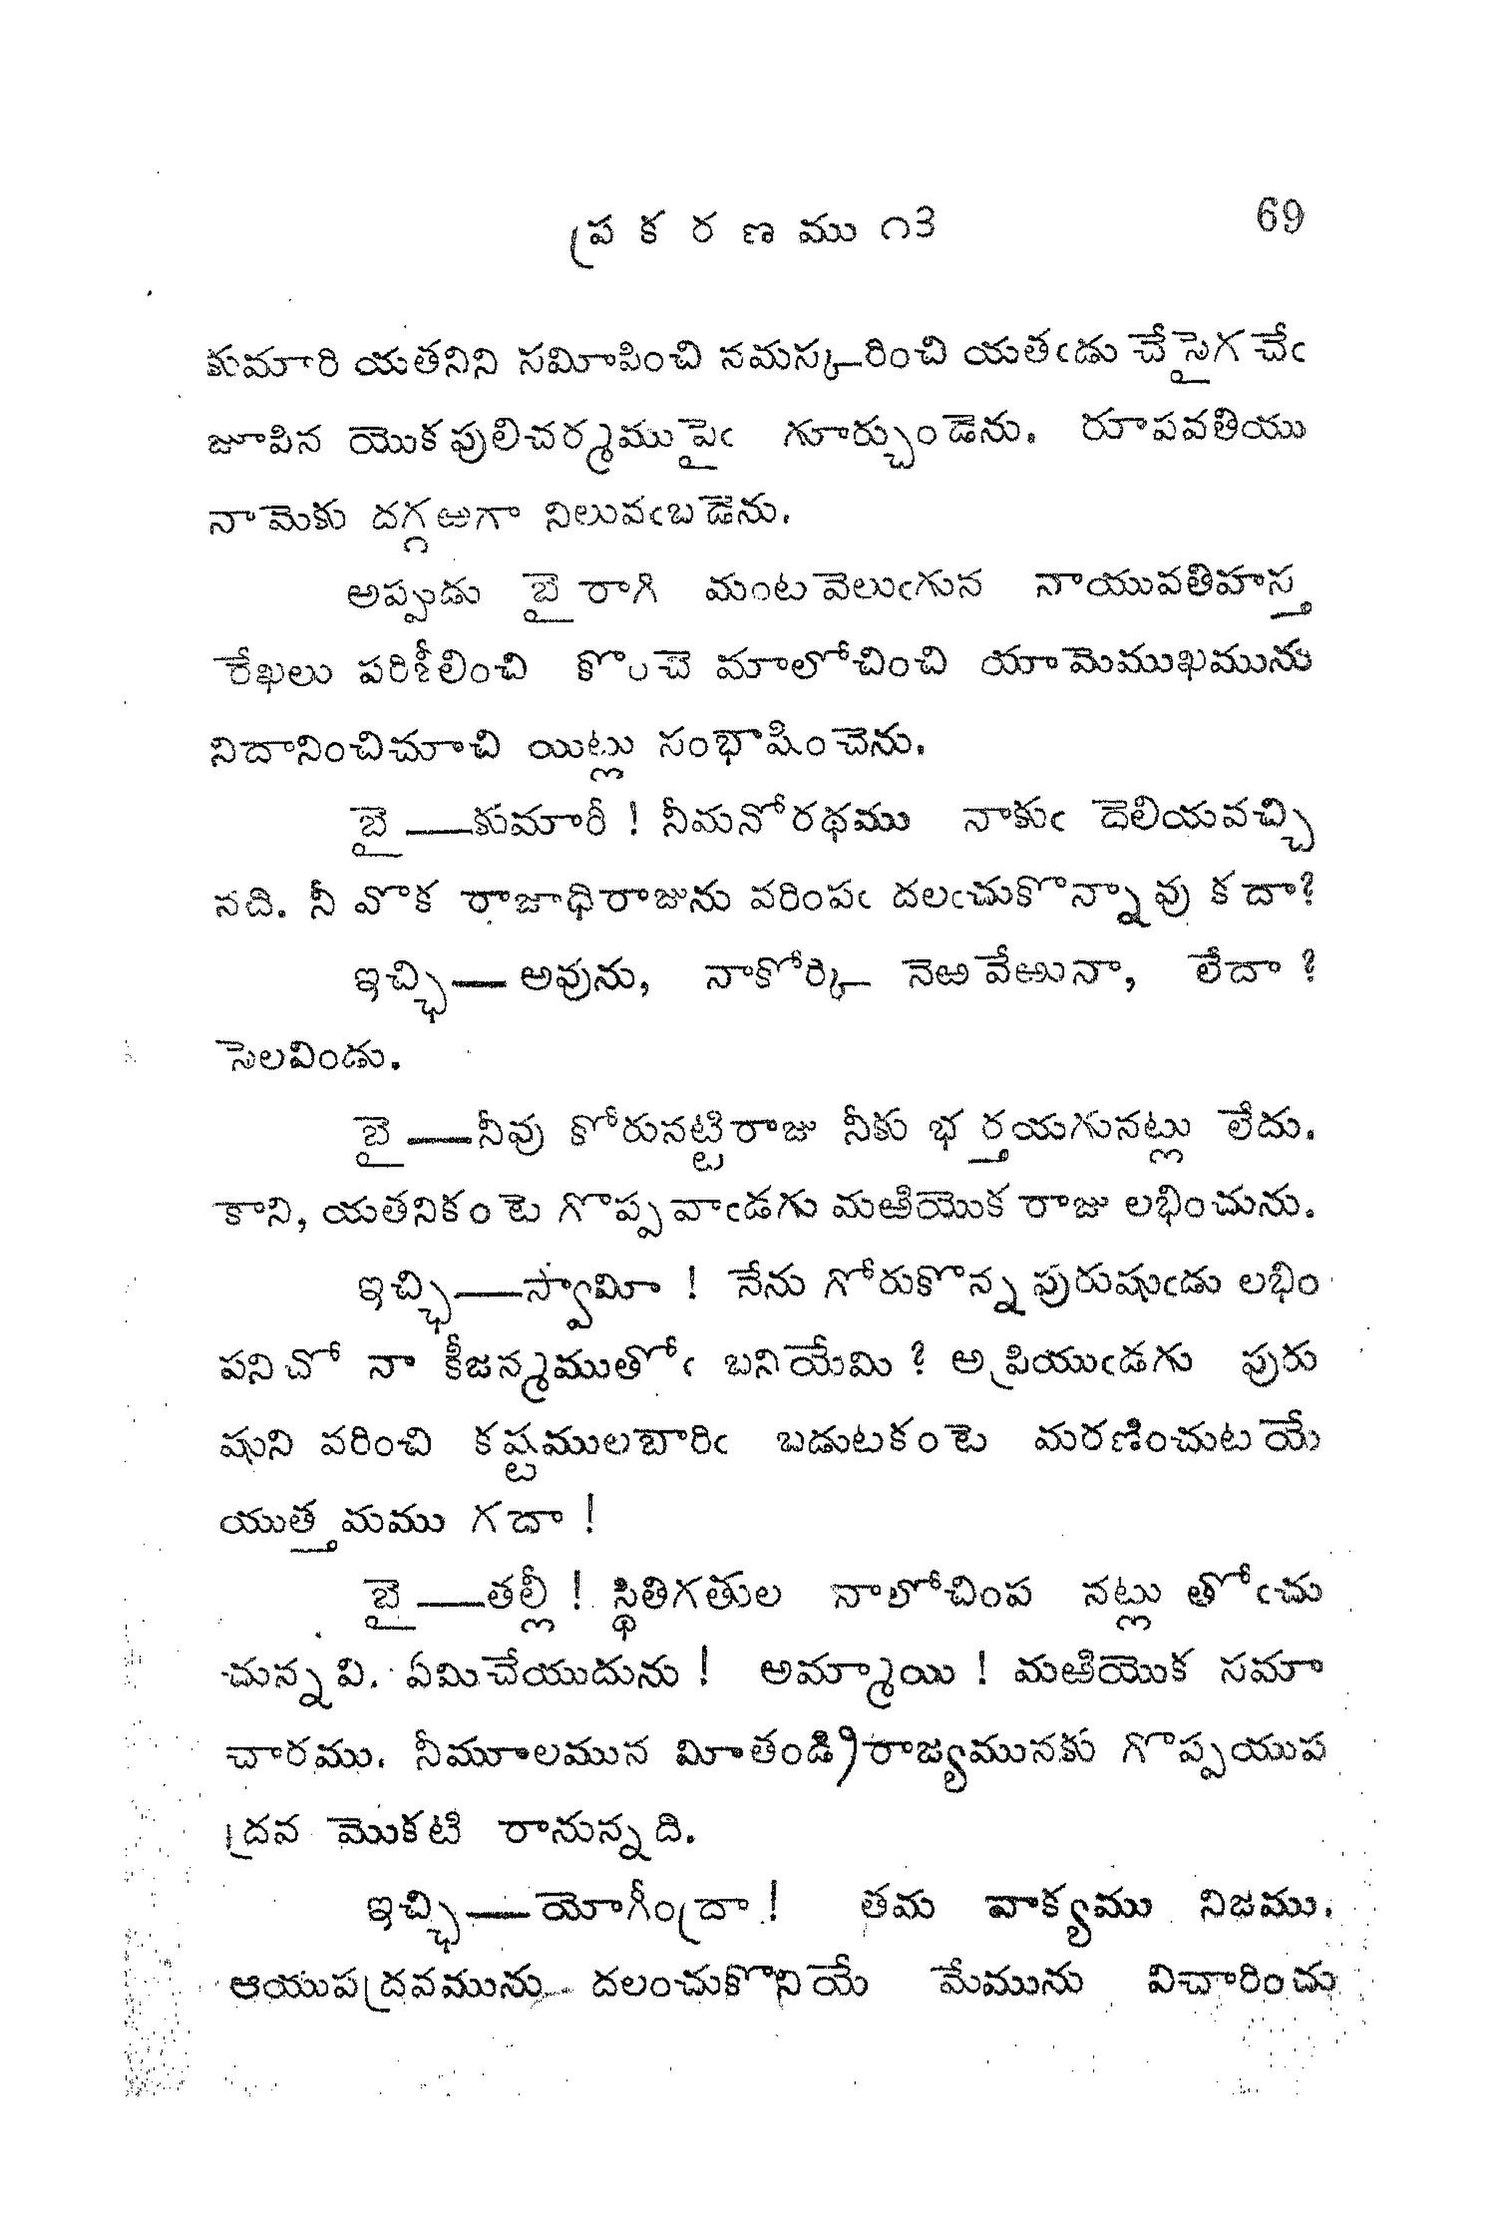కుమారి యతనిని సమీపించి నమస్కరించి యతఁడు చేసైగ చేఁ జూపిన యొక పులిచర్మము పైఁ గూర్చుండెను. రూపవతియు నా మెకు దగ్గఱగా నిలువఁబడెను.

అప్పుడు బై రాగి మంట వెలుఁగున నాయువతిహస్త రేఖలు పరిశీలించి కొంచె మాలోచించి యా మెముఖమును నిదానించిచూచి యిట్లు సంభాషించెను.

బై:– కుమారీ ! నీమనోరథము నాకుఁ దెలియవచ్చి నది. నీ వొక రాజాధి రాజును వరింపఁ దలఁచుకొన్నావు కదా?

ఇచ్చి:- అవును, నాకోర్కె నెట్ వేఱునా, లేదా ? సెలవిండు.

బై: – నీవు కోరునట్టి రాజు నీకు భర్తయగునట్లు లేదు. కాని, యతనికంటె గొప్ప వాఁడగు మఱియొక రాజు లభించును.

ఇచ్ఛి: -స్వామీ ! నేను గోరుకొన్న పురుషుఁడు లభిం పని చో నా కీజన్మముతోఁ బనియేమి ? అప్రియుఁడగు పురు షుని వరించి కష్టముల బారిఁ బడుటకంటె మరణించుటయే యుత్తమము గదా !

బై: తల్లీ స్థితిగతుల నాలోచింప నట్లుతోచుచున్నవి. ఏమి చేయుదును ! అమ్మాయి ! మఱియొక సమా చారము. నీ మూలమున మీతండ్రి రాజ్యమునకు గొప్పయుప దన మొకటి రానున్నది.

ఇచ్ఛి: - యోగీంద్రా ! తమ వాక్యము . నిజము. ఆయుపద్రవమును... దలంచుకొని యే మేమును విచారించు